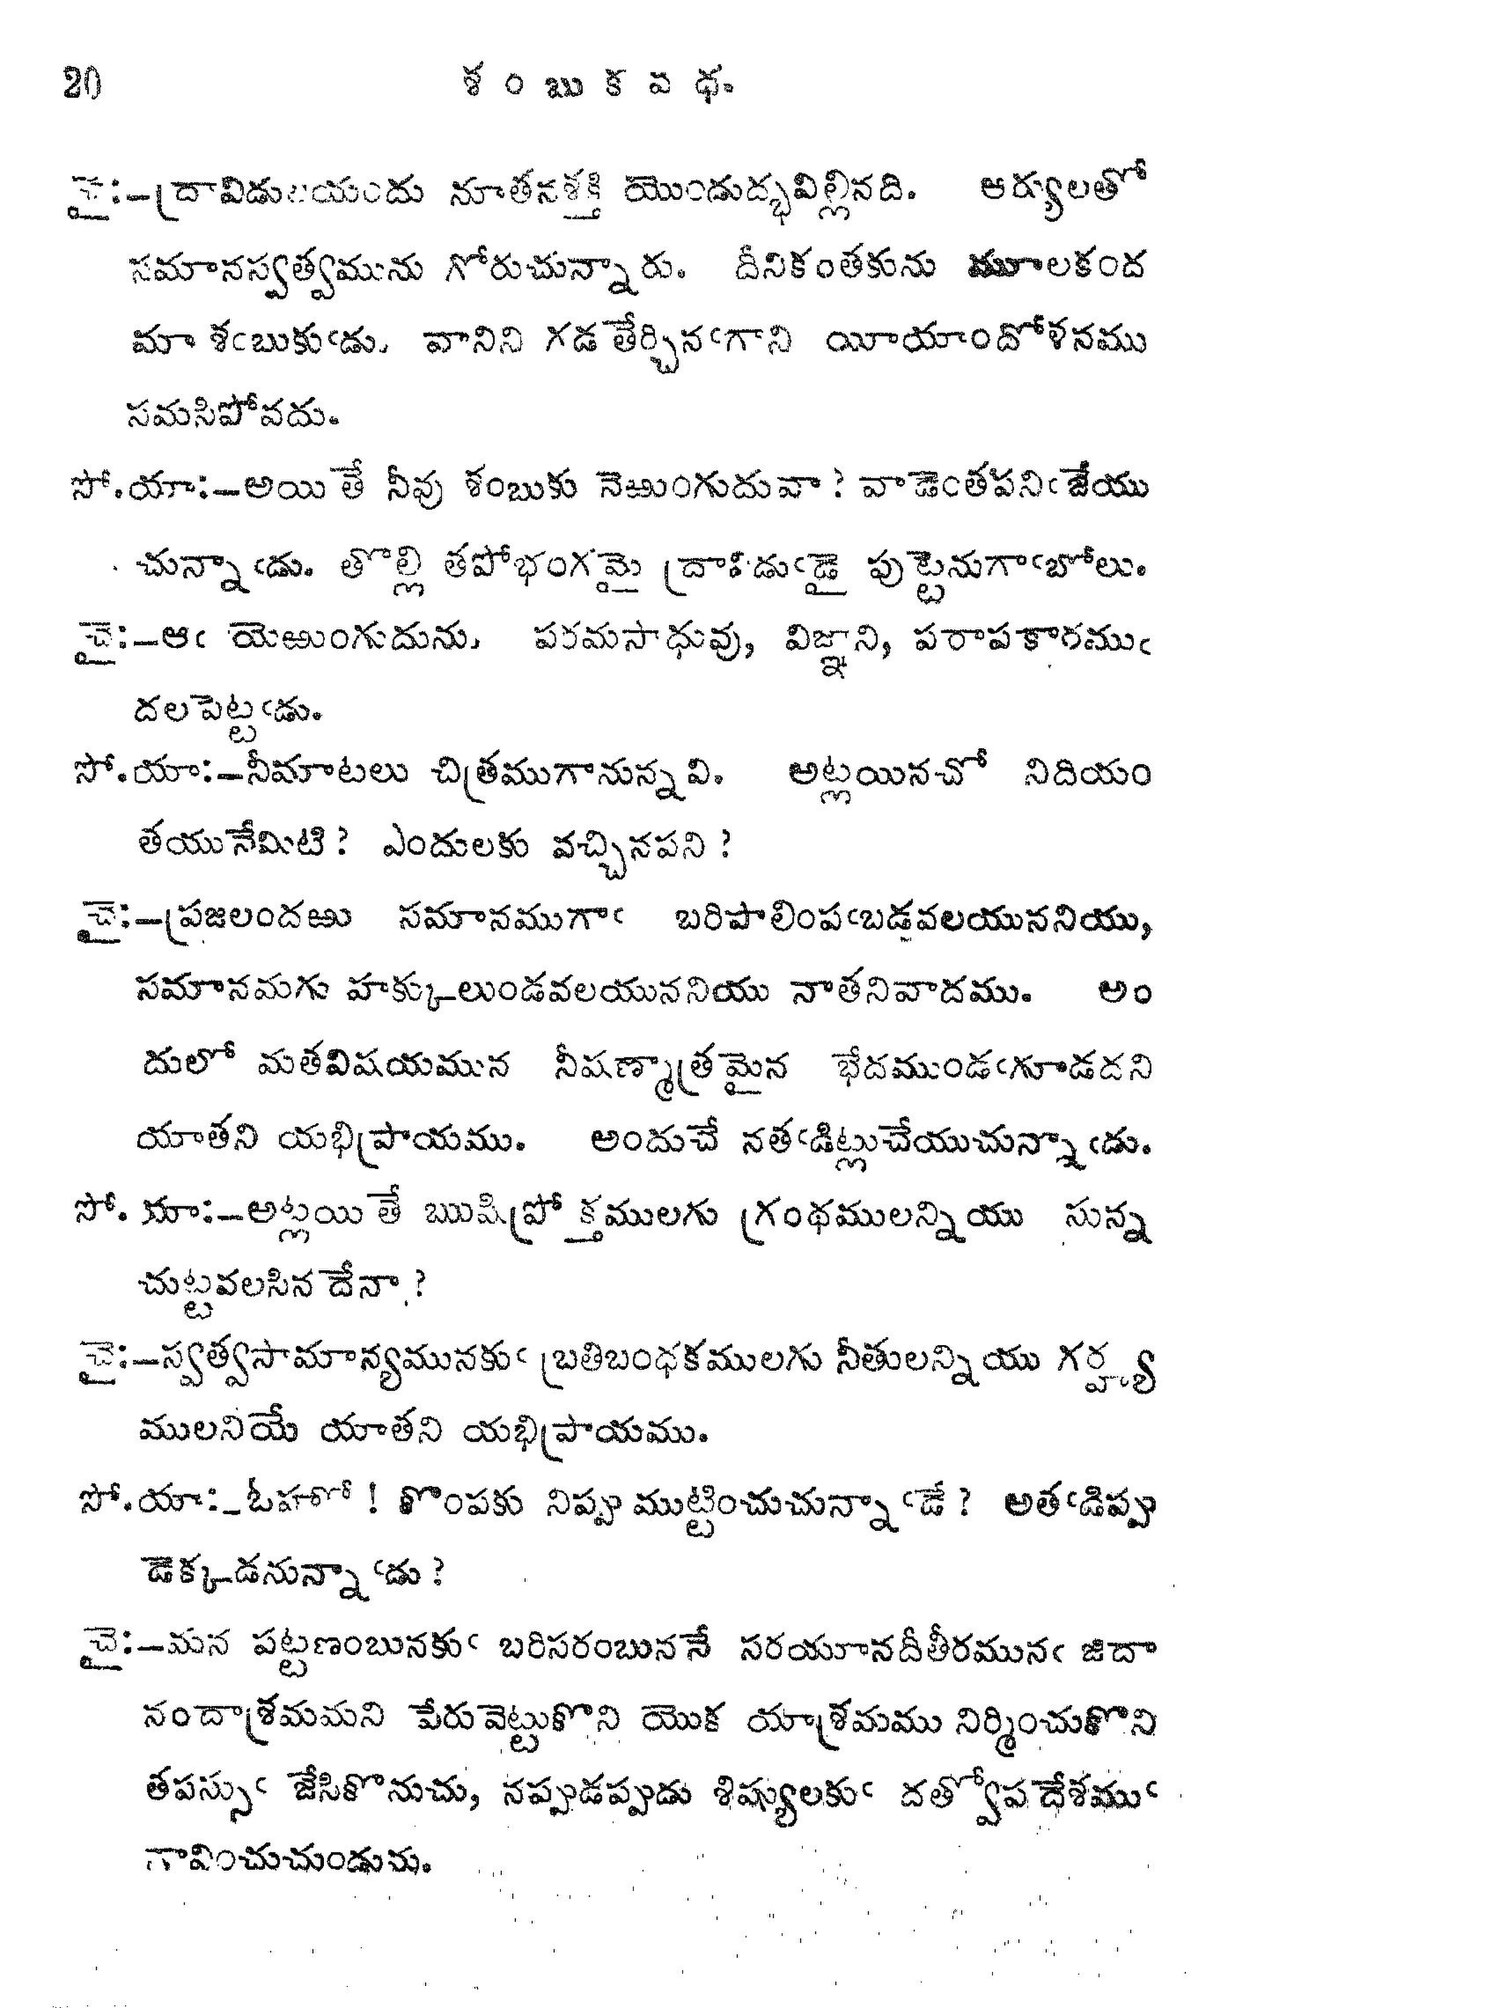చై: ద్రావిడులయందు నూతనశక్తి యొండుద్భవిల్లినది. ఆర్యులతో
 సమానస్వత్వమును గోరుచున్నారు. దీని కంతకును మూలకంద
 మా శంబుకుఁడు. వానిని గడ తేర్చినఁగాని యీయాందోళనము
 సమసిపోవదు.

సో.యా:- అయి తే నీవు శంబుకు నెఱుంగుదువా ! వాడెంతపనిఁ జేయు
 చున్నాడు. తొల్లి తపోభంగమై ద్రావిడుఁడై పుట్టెను గాఁబోలు.

చై:- ఆఁయెఱుంగుదును, పరమసాధువు, విజ్ఞాని, పరాప కాగముఁ
 దల పెట్టడు.

సో.యా: నీమాటలు చిత్రముగా నున్నవి.అట్లయినచో నిది యంతయు 
 నేమిటి ? ఎందులకు వచ్చినపని ?

చై:- ప్రజలందఱు సమానముగాఁ బరిపాలింపఁబడ వలయు
 ననియు, సమానమగు హక్కులుండ వలయుననియు నాతని
 వాదము. అందులో మత విషయమున నీషణ్మాత్ర మైన భేద
 ముండఁ గూడదని యాతని యభిప్రాయము. అందుచే నతఁ
 డిట్లు చేయు చున్నాడు.

సో.యూ:- అట్లయి తే ఋషి ప్రోక్తములగు గ్రంథములన్నియు సున్న
 చుట్టవలసిన దేనా ?

చై- స్వత్వసామాన్యమునకుఁ బ్రతిబంధకములగు నీతులన్నియు గర్హ్య
 ములనియే యాతని యభిప్రాయము.

సో.యా: ఓహో ! కొంపకు నిప్పు ముట్టించు చున్నాఁడే ! అతడిప్పు
 డెక్కడనున్నాడు?

చై:- మన పట్టణంబునకుఁ బరిసరంబున నే సరయూ నదీ తీరమునఁ జిదా
 నందాశ్రమమని పేరు పెట్టుకొని యొక యాశ్రమము నిర్మించుకొని
 తపస్సు జేసికొనుచు, నప్పుడప్పుడు శిష్యులకుఁ దత్వోపదేశము
 గావించు చుండును.